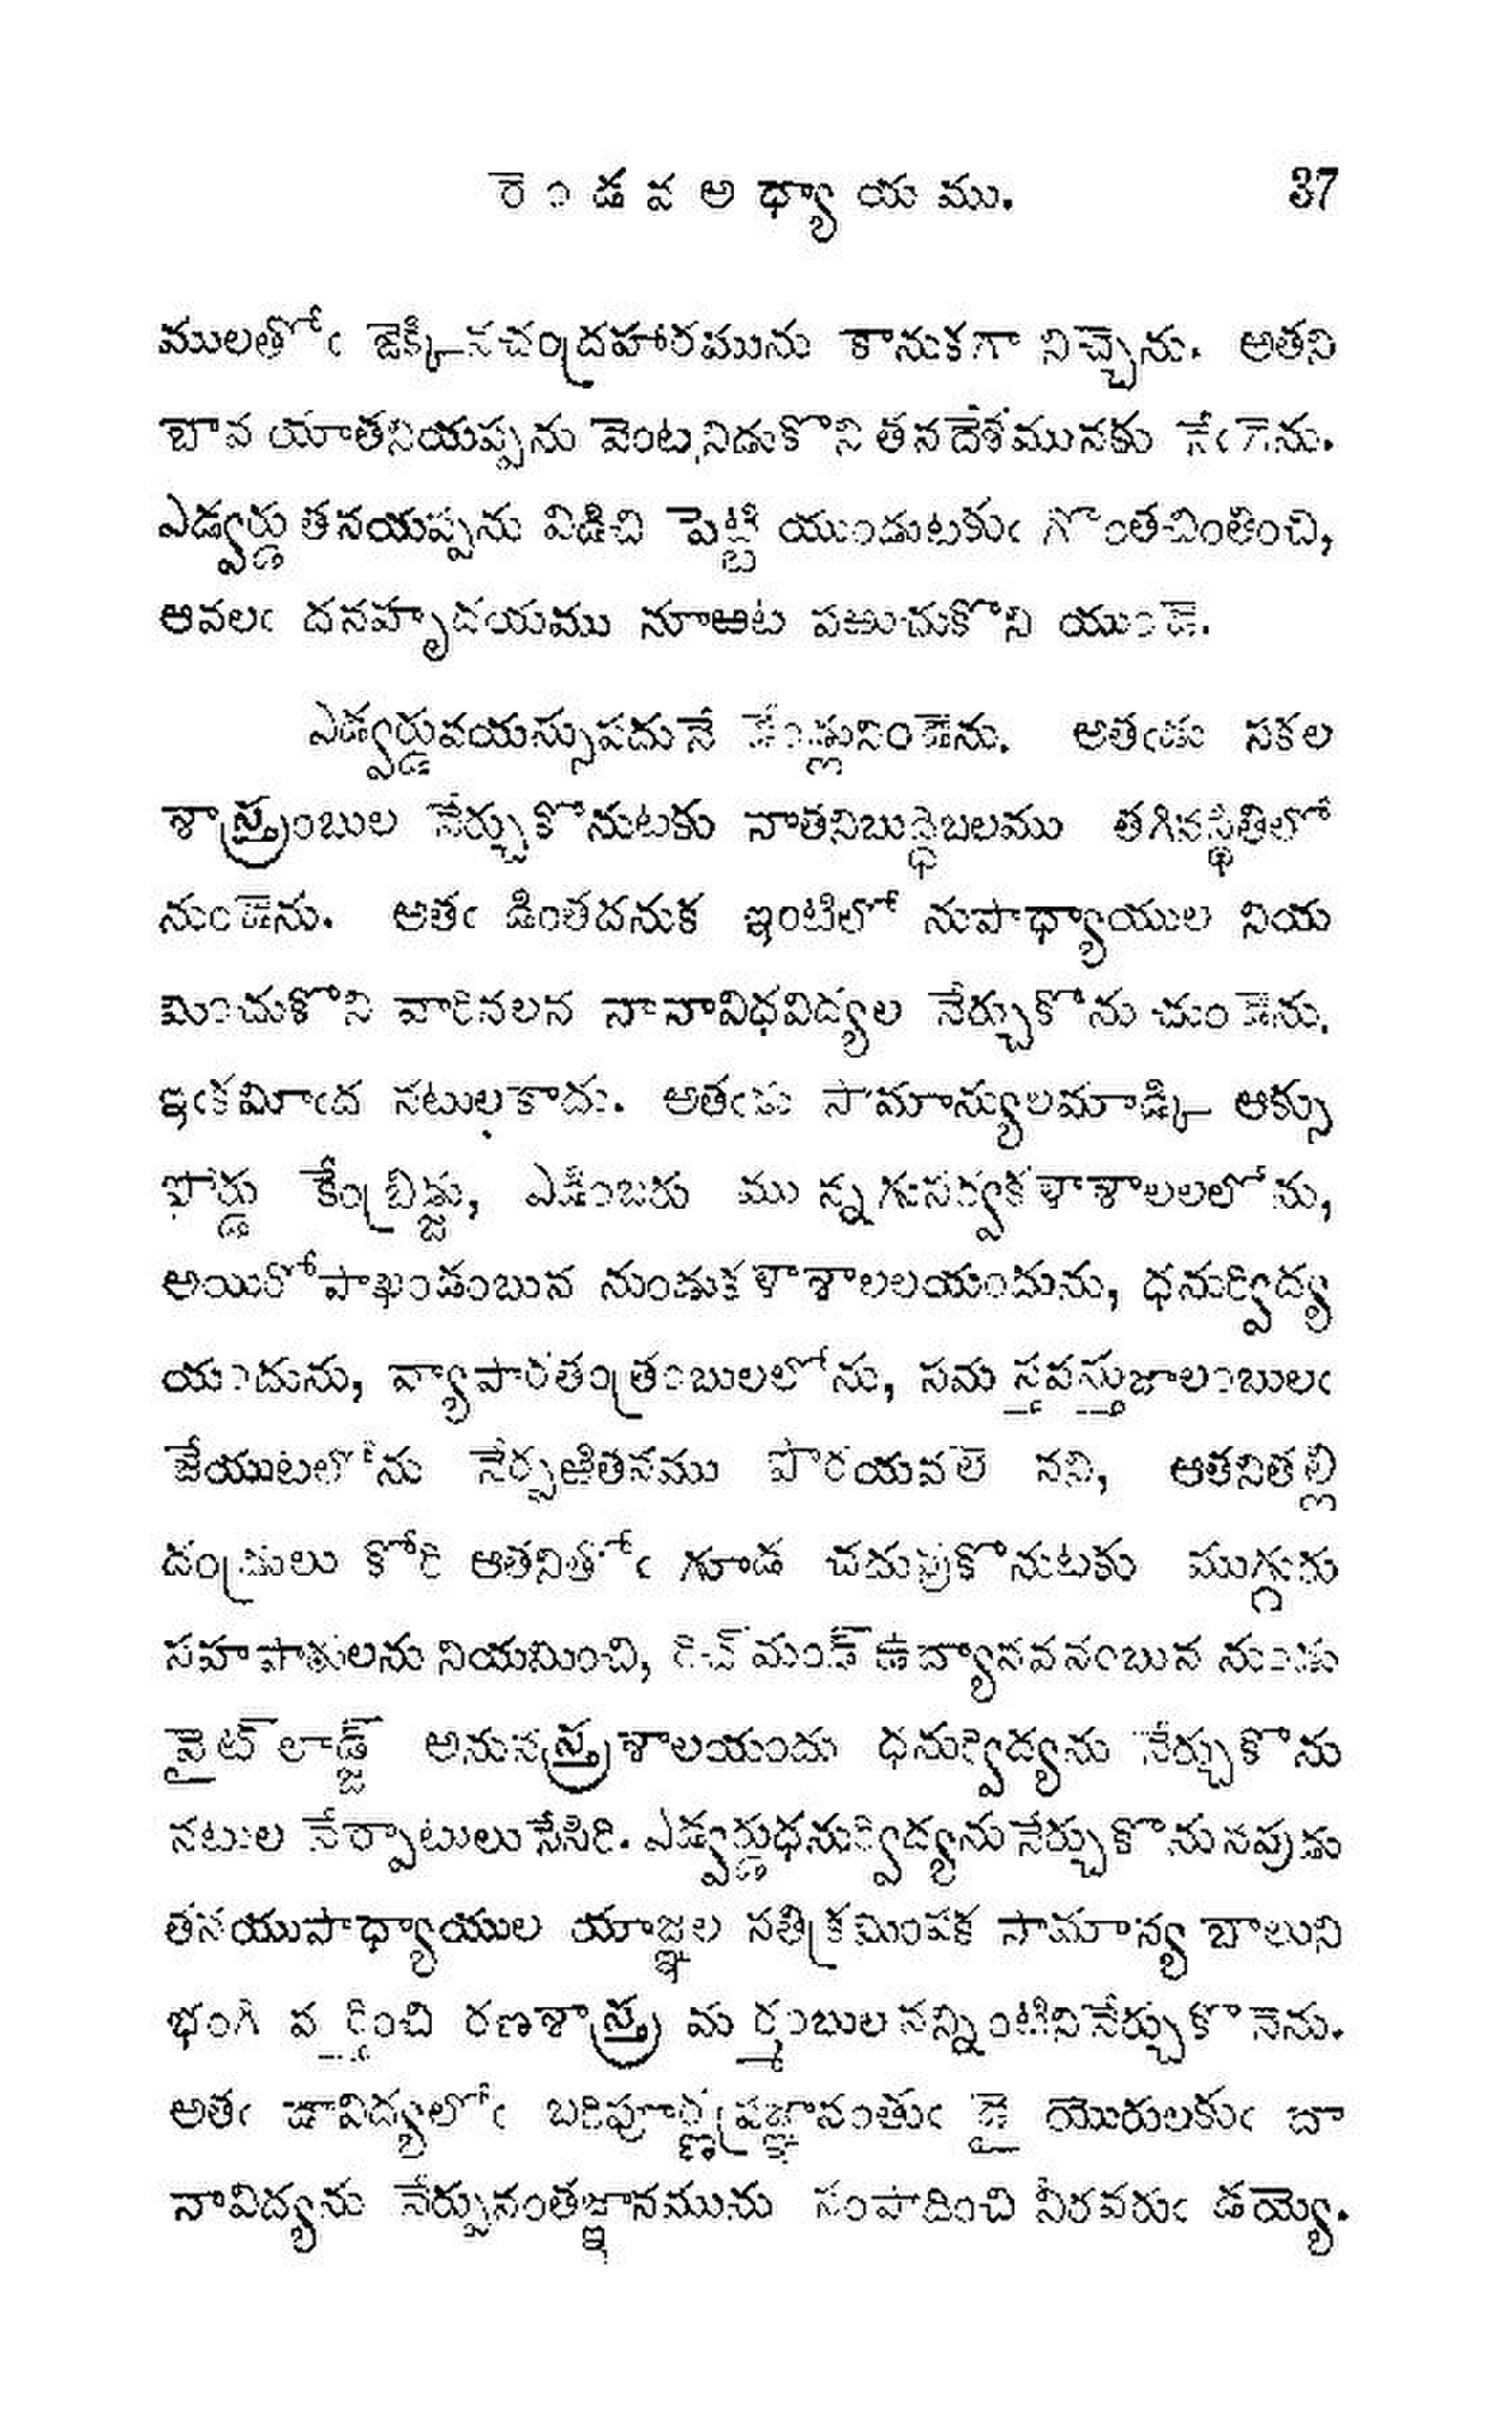ములతోఁ జెక్కిన చంద్రహారమును కానుకగా నిచ్చెను. అతని బావ యాతనియప్పను వెంట నిడుకొని తన దేశమునకు నేగెను. ఎడ్వర్డు తనయప్పను విడిచి పెట్టి యుండుటకుఁ గొంత-చింతించి,
ఆవలఁ దనహృదయము నూఱట పడుచుకొని యుండె ..

ఎడ్వర్డు వయస్సు పదునేడేండ్లుండెను. అతఁడు సకలశాస్త్రంబుల నేర్చుకొనుటకు నాతనిబు ద్ధిబలము తగినస్థితిలో నుండెను. ఆతఁ డింతదనుక ఇంటిలో నుపాధ్యాయుల నియ
మించుకోని వారినలన నానావిధవిద్యల నేర్చుకొను చుండెను. ఇంక మీద నటుల కాదు.. అతఁడు సామాన్యులమాడ్కి ఆక్సుపోర్టు కేంబ్రిడ్జు, ఎడింరుకు మున్నగ సర్వకళాశాలలలోను, అయిరో పాఖండుబున నుండుక ళాశాలలయందును, ధనుర్విద్య యందును, వ్యాపారతంత్రంబులలోను, సమ స్తవస్తుజాలంబులఁ చేయుటలోను నేర్పఱి తనము పొరయవలె నని, ఆతనితల్లి
దంద్రులు కోరి ఆతనితో గూడ చదుకొనుటకు ముగ్గురు సహపారులను నియమించి, రిచ్ మంమండ్. ఉద్యానవనంబున నుండు నైట్ లాడ్జ్ అనుసస్త్ర శాలయందు ధనుర్విద్యను నేర్చుకోను
నటుకల నేర్పాటులు సేసిరి. ఎడ్వర్ణుధన్వుద్యను నేర్చుకొను సప్పుడు తనయుసాధ్యాయుల యాజ్ఞల నతిక్రమింషక సామాన్య బాలుని భంగి పర్తించి రణశాస్త్ర మర్మంబుల నన్నింటిని నేర్చుకొనెను. అతఁ డావిద్యలో బరిపూర్ణ ప్రజ్ఞానంతుఁ డై యొరులకుఁ దా
నావిద్యను నేర్పునంతజ్ఞానమును సంపాదించి వీరవరుఁ డయ్యె.